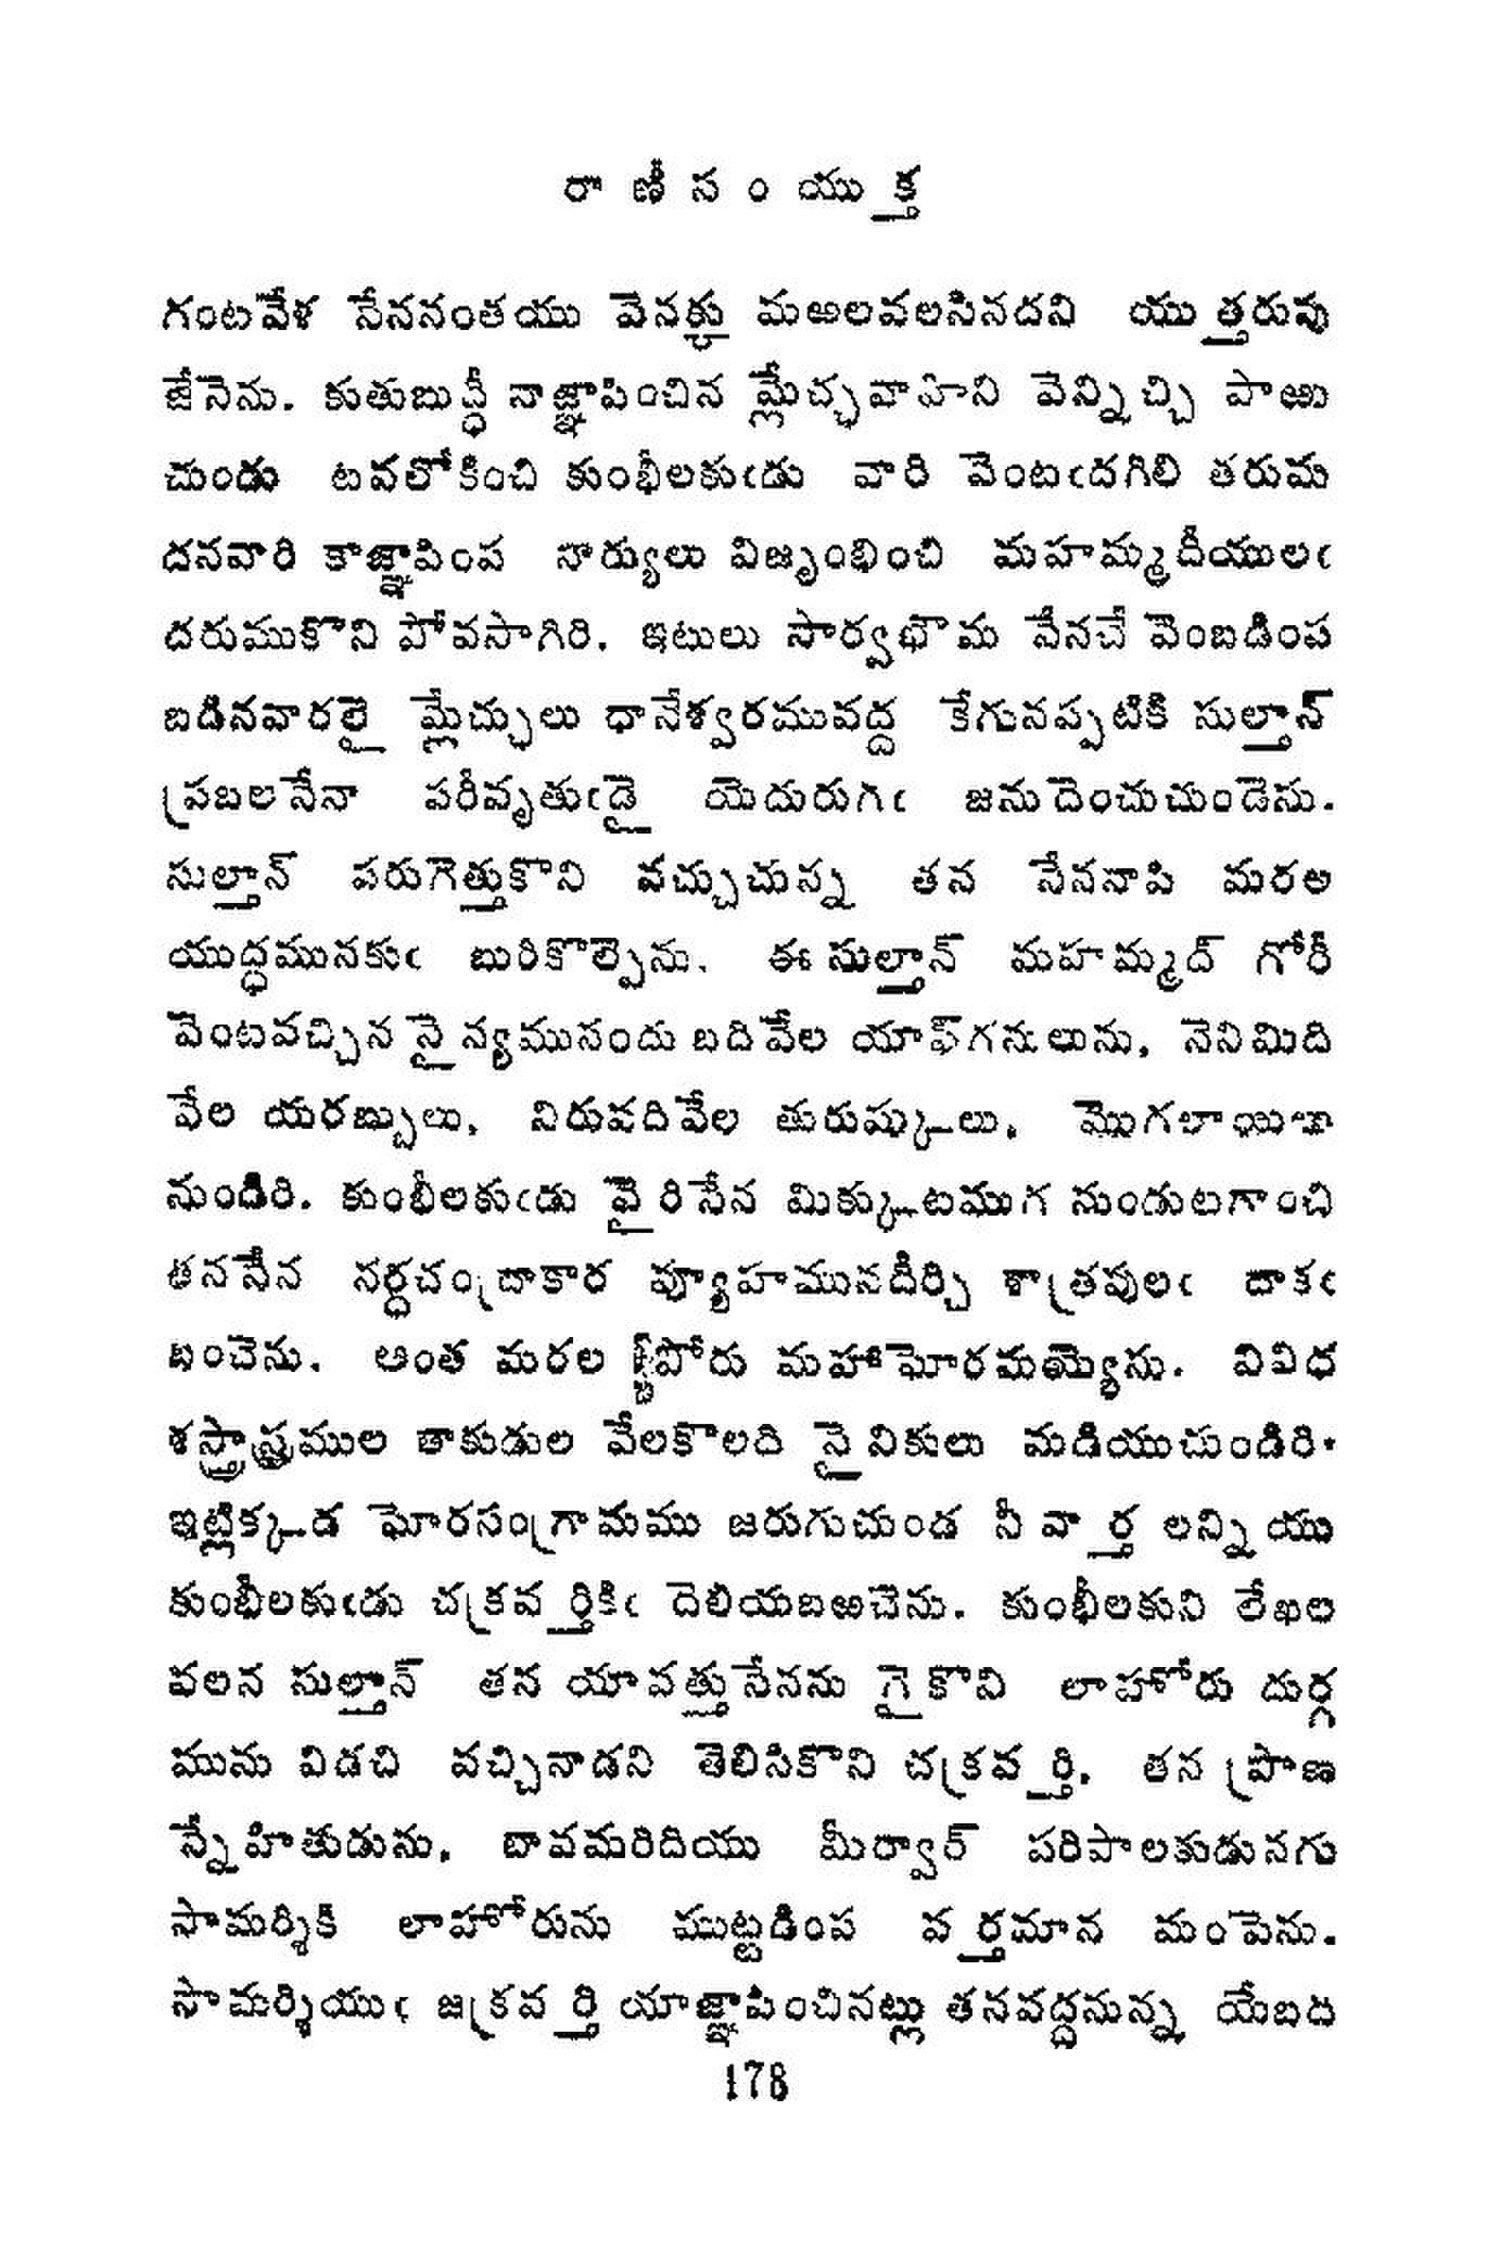గంటవేళ సేననంతయు వెనక్కు మఱలవలసినదని యుత్తరువు జేనెను. కుతుబుద్దీ నాజ్ఞాపించిన మ్లేచ్ఛవాహిని వెన్నిచ్చి పాఱుచుండు టవలోకించి కుంభీలకుఁడు వారి వెంటఁదగిలి తరుమ దనవారీ కాజ్ఞాపింప నార్యులు విజృంభించి మహమ్మదీయులఁ దరుముకొని పోవసాగిరి. ఇటులు సార్వభౌమ సేనచే వెంబడింపబడినవారలై మ్లేచ్ఛులు ధానేశ్వరమువద్ద కేగునప్పటికి సుల్తాన్ ప్రబలసేనా పరీవృతుఁడై యెదురుగఁ జనుదెంచుచుండెను. సుల్తాన్ పరుగెత్తుకొని వచ్చుచున్న తన సేననాపి మరల యుద్ధమునకుఁ బురికొల్పెను. ఈ సుల్తాన్ మహమ్మద్ గోరీ వెంటవచ్చిన సైన్యమునందు బదివేల యాఫ్‌గనులును, నేనిమిదివేల యరబ్బులు, నిరువదివేల తురుష్కులు, మొగలాయిలు నుండిరి. కుంబీలకుఁడు వైరిసేన మిక్కుటముగ నుండుటగాంచి తనసేన సర్ధచంద్రాకార వ్యూహమునదీర్చి శాత్రవులఁ దాకఁ బంచెను. అంత మరల పోరు మహాఘోరమయ్యెను. వివిధ శస్త్రాస్త్రముల తాకుడుల వేలకొలది సైనికులు మడియుచుండిరి . ఇట్లిక్కడ ఘోరసంగ్రామము జరుగుచుండ నీ వార్త లన్నియు కుంభీలకుడు చక్రవర్తికిఁ దెలియబఱచెను. కుంభీలకుని లేఖల వలన సుల్తాన్ తన యావత్తుసేనను గైకొని లాహోరు దుర్గమును విడచి వచ్చినాడని తెలిసికొని చక్రవర్తి. తన ప్రాణస్నేహితుడును, బావమరిదియు మీర్వార్ పరిపాలకుడునగు సామర్శికి లాహోరును ముట్టడింప వర్తమాన మంపెను. సామర్శియుఁ జక్రవర్తి యాజ్ఞాపించినట్లు తనవద్దనున్న యేబది